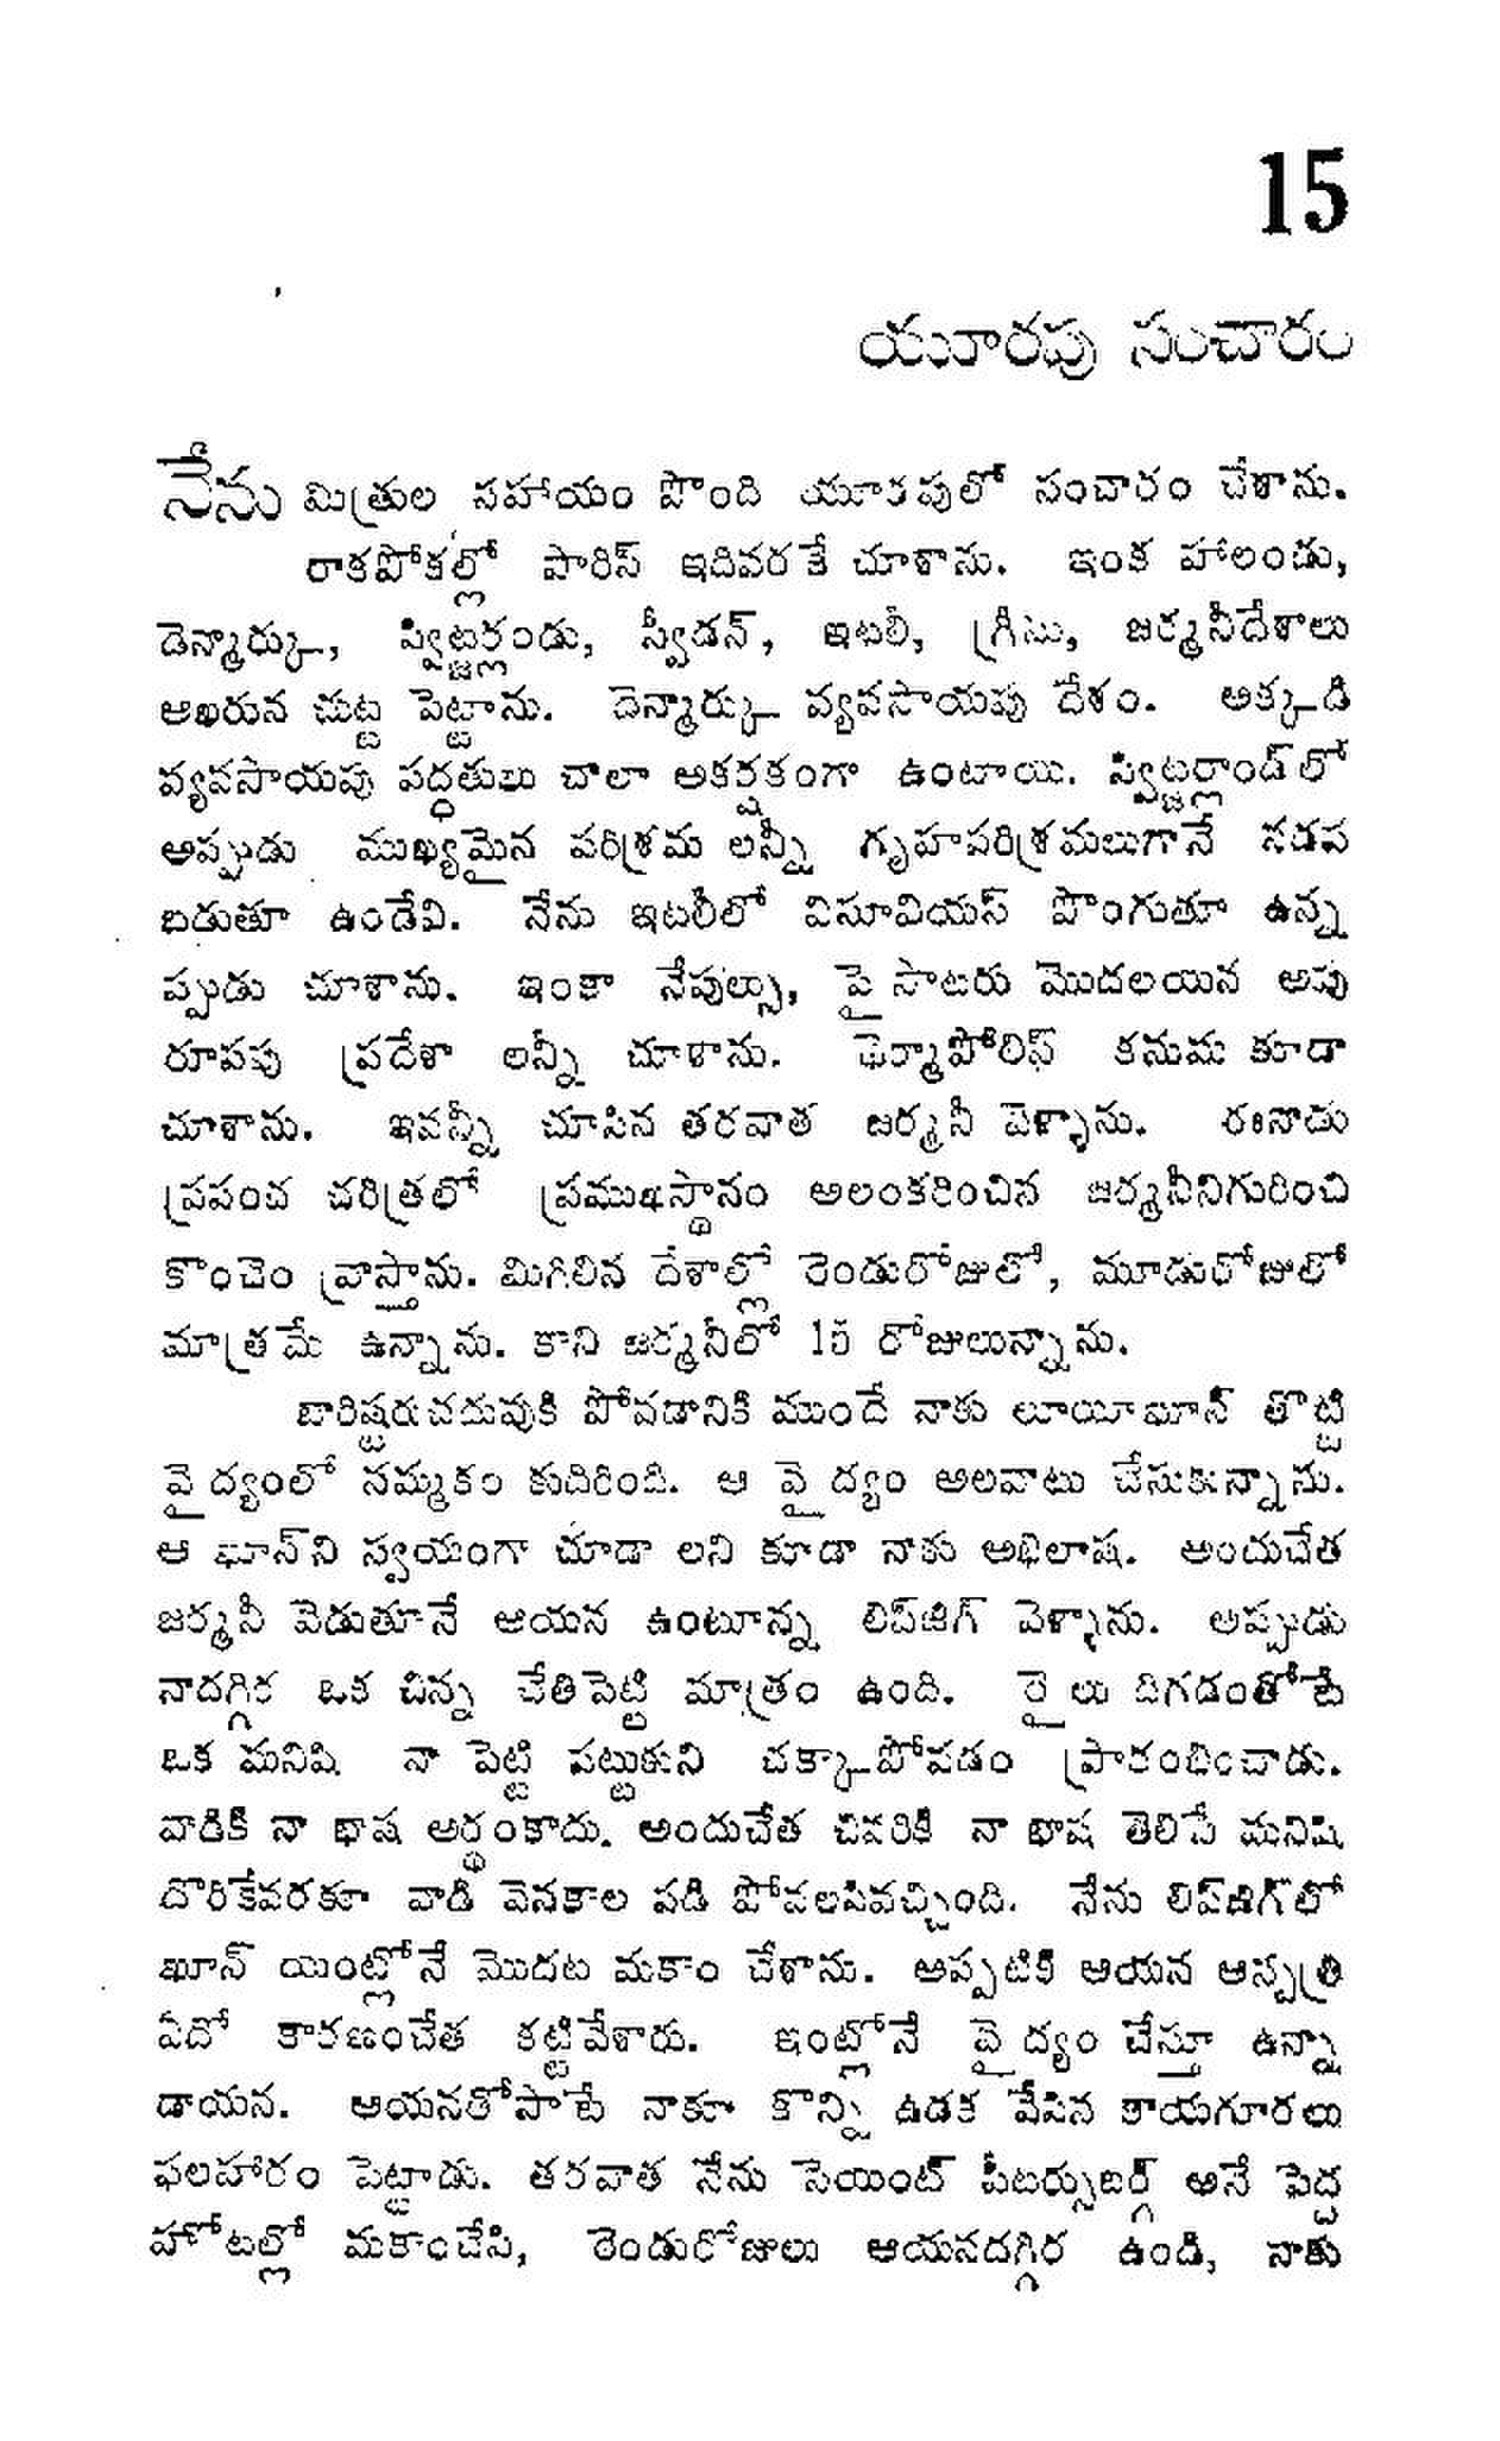నేను మిత్రుల సహాయం పొంది యూరపులో సంచారం చేశాను. రాకపోకల్లో పారిస్ ఇదివరకే చూశాను. ఇంక హాలండు, డెన్మార్కు, స్విట్జర్లండు, స్వీడన్, ఇటలీ, గ్రీసు, జర్మనీదేశాలు ఆఖరున చుట్ట పెట్టాను. డెన్మార్కు వ్యవసాయపు దేశం. అక్కడి వ్యవసాయపు పద్ధతులు చాలా ఆకర్షకంగా ఉంటాయి. స్విట్జర్లాండ్‌లో అప్పుడు ముఖ్యమైన పరిశ్రమ లన్నీ గృహపరిశ్రమలు గానే నడపబడుతూ ఉండేవి. నేను ఇటలీలో విసూవియస్ పొంగుతూ ఉన్నప్పుడు చూశాను. ఇంకా నేపుల్సు, పై సాటరు మొదలయిన అపురూపపు ప్రదేశా లన్నీ చూశాను. థెర్మాపోలిఫ్ కనుమ కూడా చూశాను. ఇవన్నీ చూసిన తరవాత జర్మనీ వెళ్ళాను. ఈనాడు ప్రపంచ చరిత్రలో ప్రముఖస్థానం అలంకరించిన జర్మనీనిగురించి కొంచెం వ్రాస్తాను. మిగిలిన దేశాల్లో రెండురోజులో, మూడురోజులో మాత్రమే ఉన్నాను. కాని జర్మనీలో 15 రోజులున్నాను.

బారిష్టరు చదువుకి పోవడానికి ముందే నాకు లూయీఖూన్ తొట్టి వైద్యంలో నమ్మకం కుదిరింది. ఆ వైద్యం అలవాటు చేసుకున్నాను. ఆ ఖూన్‌ని స్వయంగా చూడా లని కూడా నాకు అభిలాష. అందుచేత జర్మనీ వెడుతూనే ఆయన ఉంటూన్న లిప్‌జిగ్ వెళ్ళాను. అప్పుడు నాదగ్గిర ఒక చిన్న చేతిపెట్టి మాత్రం ఉంది. రైలు దిగడంతోటే ఒక మనిషి నా పెట్టి పట్టుకుని చక్కాపోవడం ప్రారంబించాడు. వాడికి నా భాష అర్థం కాదు. అందుచేత చివరికి నా భాష తెలిసే మనిషి దొరికేవరకూ వాడి వెనకాల పడి పోవలసివచ్చింది. నేను లిప్‌జిగ్‌లో ఖూన్ యింట్లోనే మొదట మకాం చేశాను. అప్పటికి ఆయన ఆస్పత్రి ఏదో కారణంచేత కట్టివేశారు. ఇంట్లోనే వైద్యం చేస్తూ ఉన్నాడాయన. ఆయనతోపాటే నాకూ కొన్ని ఉడక వేసిన కాయగూరలు ఫలహారం పెట్టాడు. తరవాత నేను సెయింట్ పీటర్సుబర్గ్ అనే పెద్ద హోటల్లో మకాంచేసి, రెండురోజులు ఆయనదగ్గిర ఉండి, నాకు